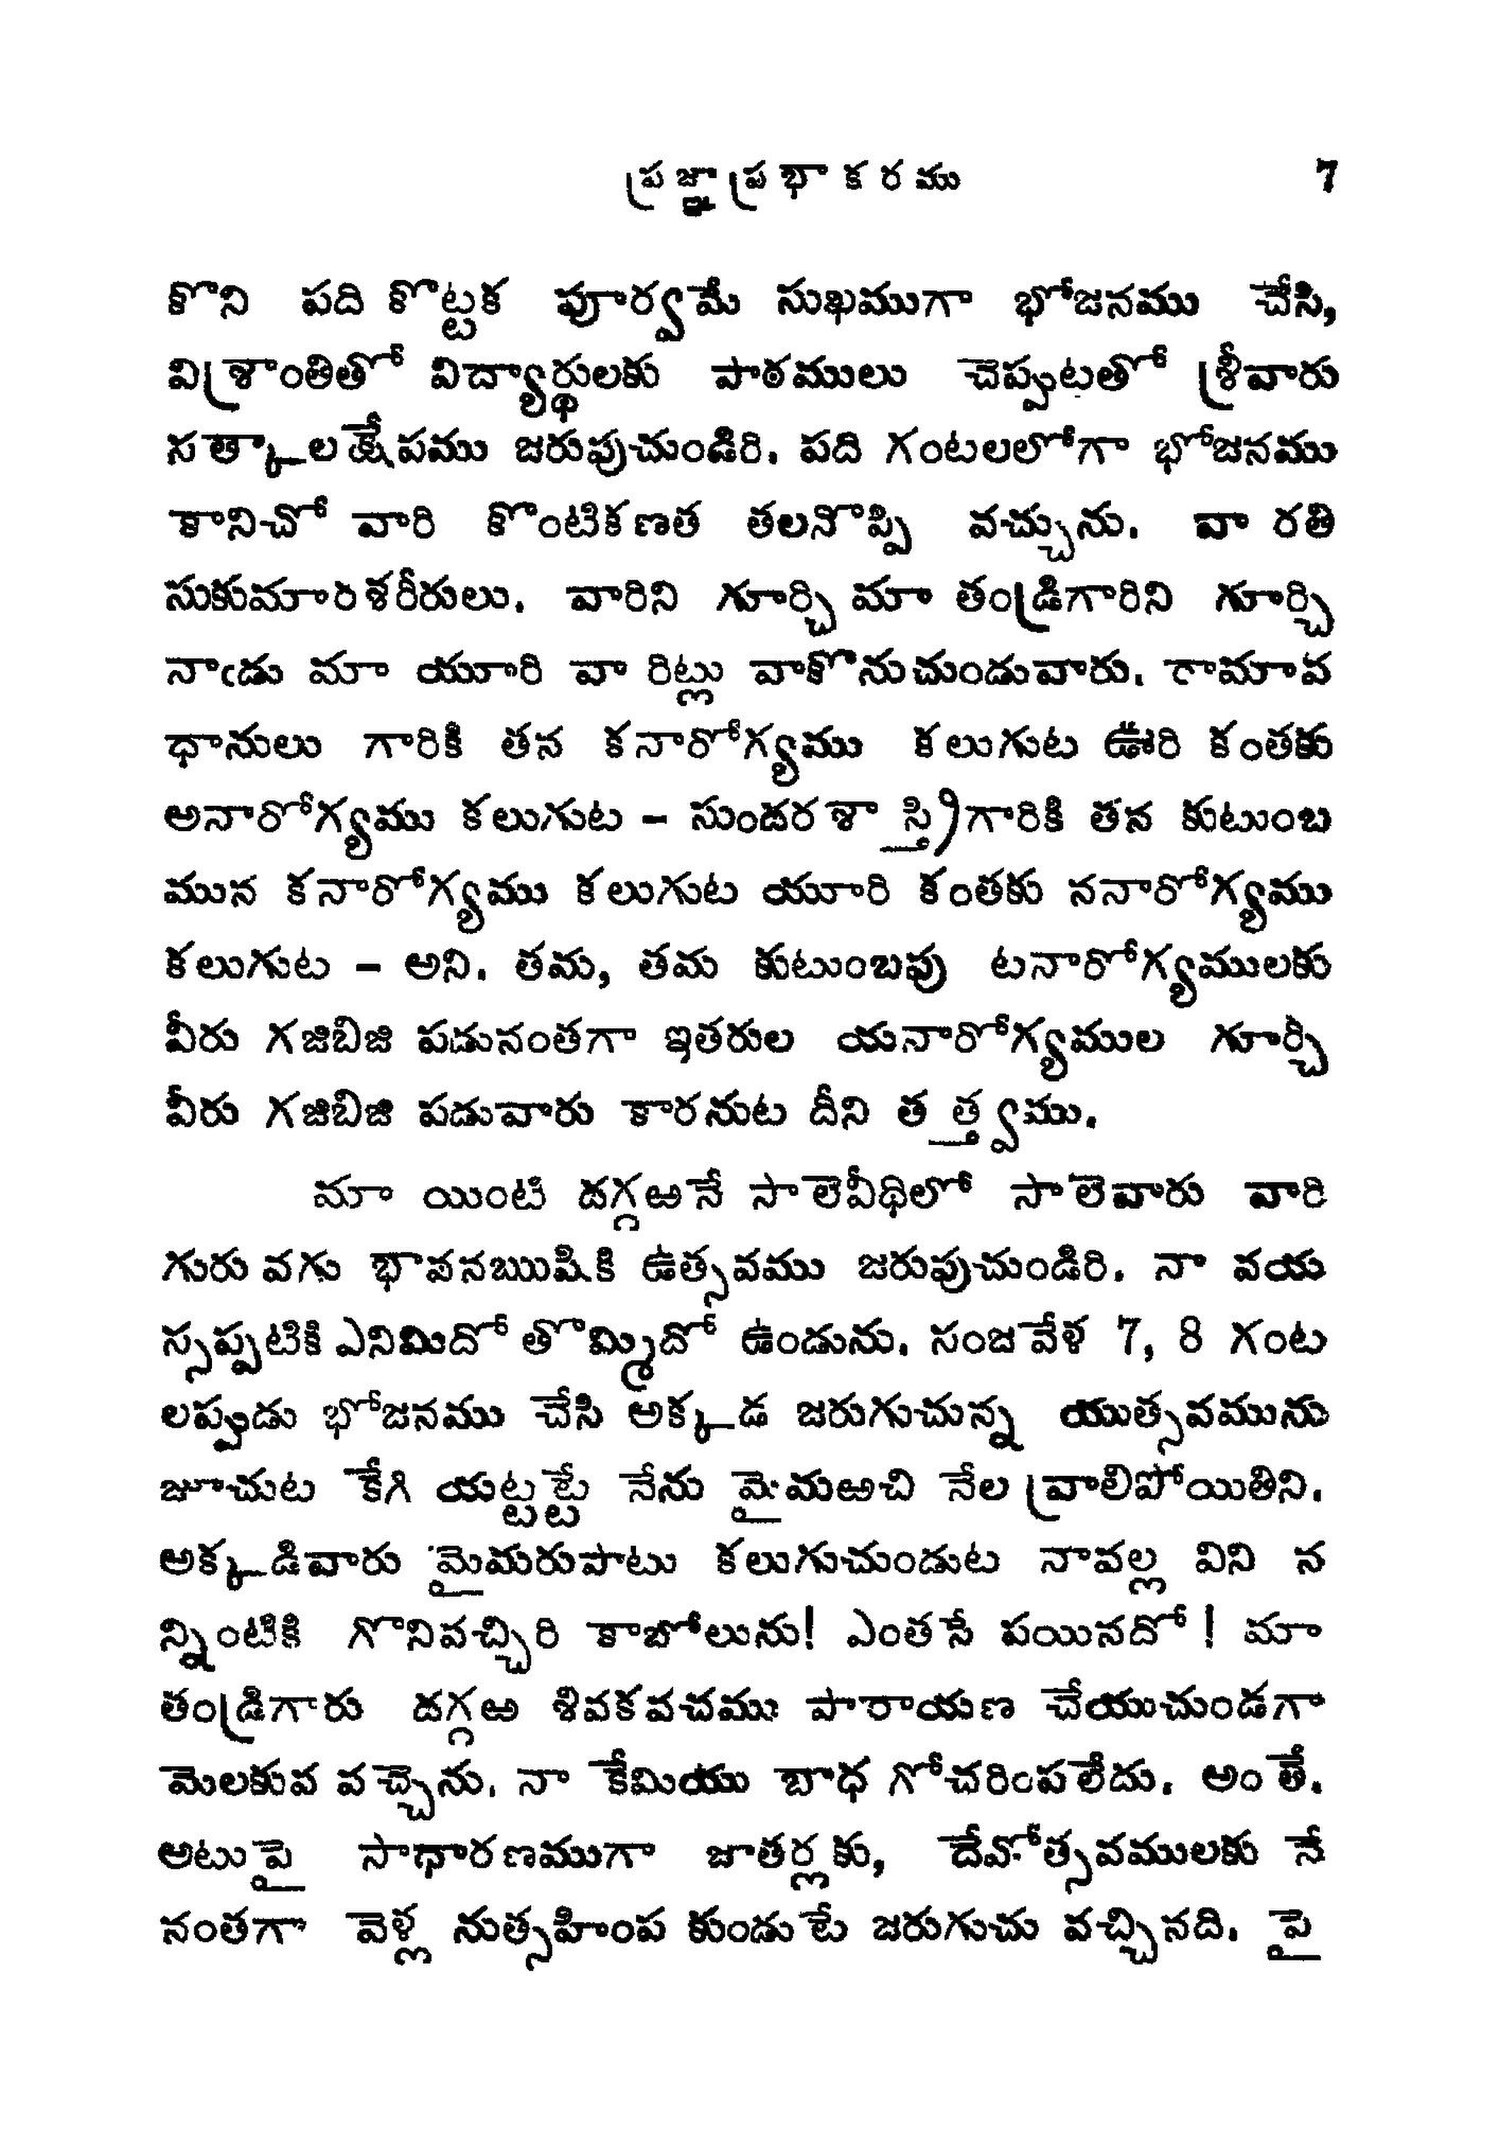కొని పడి కొట్టక పూర్వమే సుఖముగా భోజనము చేసి, విశ్రాంతితో విద్యార్ధులకు పాఠములు చెప్పుటతో శ్రీ వారు సత్కాలక్షేపము జరుపుచుండిరి. పది గంటలలోగా భోజనము కానిచో వారి కొంటికణత తలనొప్పి వచ్చును. వా రతి సుకుమారశారీరులు. వారిని గూర్చి మా తండ్రిగారిని గూర్చి నాఁడుమా యూరి వా రిట్లు వాకొనుచుండు వారు. రామావధానులు గారికి తన కనారోగ్యము కలుగుట ఊరి కంతకు అనారోగ్యము కలుగుట- సుందరశాస్త్రిగారికి తన కుటుంబమున కనారోగ్యము కలుగుట యూరి కంతకు ననారోగ్యము కలుగుత-అని. తమ, తమ కుటుంబపు టనారోగ్యాములకు వీరు గజిబిజి పడునంతగా ఇతరుల యనారోగ్యముల గూర్చి వీరు గజిబిజి పడువారు కారనుట దీని తత్త్వము.
 
మా యింటి దగ్గఱ నే సాలెవీధిలో సాలెవారు వారి గురువగు భావనఋషికి ఉత్సవము జరుపుచుండరి. నా వయస్సప్పటికి ఎనిమిదో తొమ్మిదో ఉండును. సంజ వేళ 7, 8 గంటలప్పుడు భోజనము చేసి అక్కడ జరుగుచున్న యు త్సవమును జూచుట కేగి యట్టట్టే నేను మైమఱచి నెల వ్రాలి పోయితిని. అక్కడి వారు మైమరు పాటు కలుగుచుండుట నా వల్ల విని నన్నిం టికి గొని వచ్చిరి కాబోలును! ఎంత సేపయినదో! మా తండ్రిగారు దగ్గఱ శివకవచము పారాయణ చేయుచుండగా మెలకువ వచ్చెను. నా కేమియు బాధ గోచరింప లేదు. అంతే. అటుపై సాధారణముగా జాతర్లకు, దేవోత్సవములకు నే నంతగా వెళ్ళ నుత్సహింప కుండు టే జరుగుచు వచ్చినది. పై